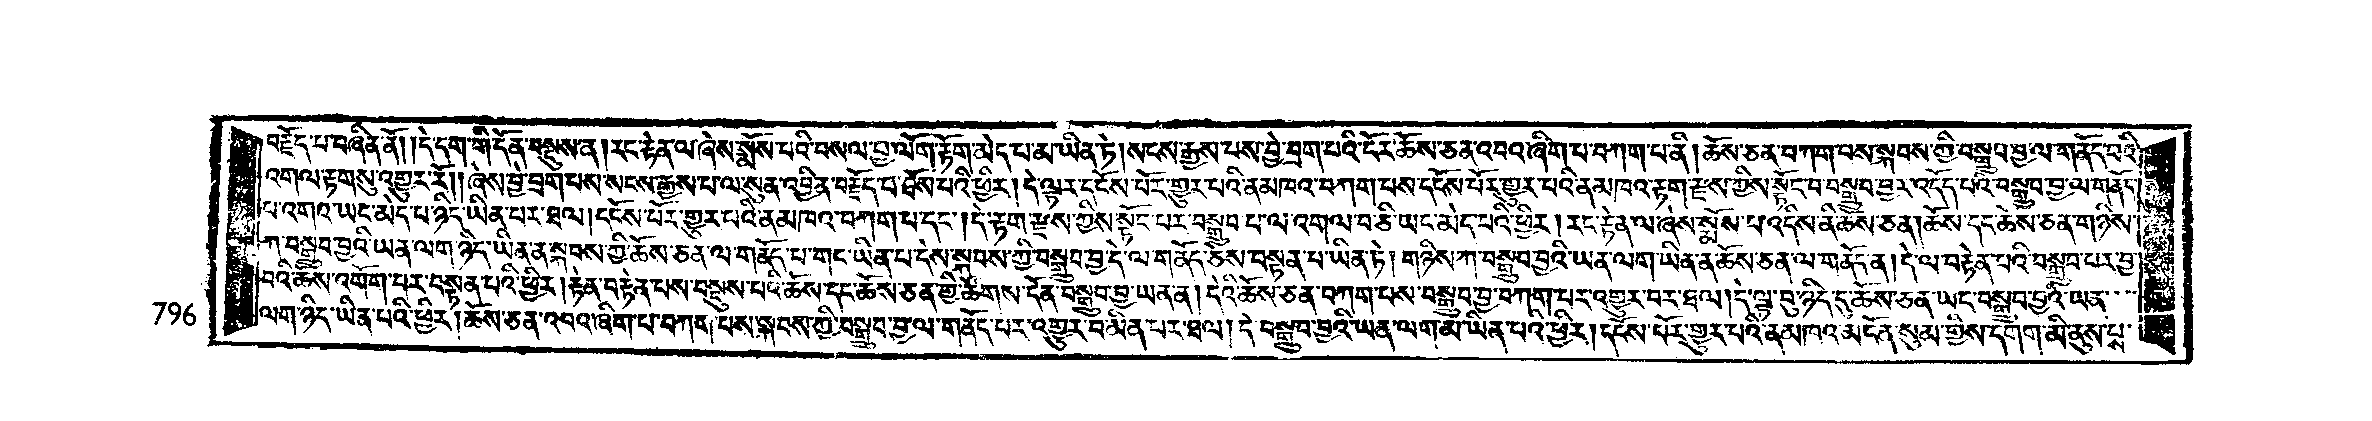བརྗོད་པ་བཞིན་ནོ། །དེ་དག་གི་དོན་བསྡུས་ན། རང་རྟེན་ལ་ཞེས་སྨོས་པའི་བསལ་བྱ་ལོག་རྟོག་མེད་པ་མ་ཡིན་ཏེ། སངས་རྒྱས་པས་བྱེ་བྲག་པའི་ངོར་ཆོས་ཅན་འབའ་ཞིག་པ་བཀག་པ་ནི། ཆོས་ཅན་བཀག་པས་སྐབས་ཀྱི་བསྒྲུབ་བྱ་ལ་གནོད་བའི་
འགལ་རྟགས་སུ་འགྱུར་རོ། །ཞེས་བྱེ་བྲག་པས་སངས་རྒྱས་པ་ལ་སུན་འབྱིན་བརྗོད་པ་ཐོས་པའི་ཕྱིར། དེ་ལྟར་དངོས་པོར་གྱུར་པའི་ནམ་མཁའ་བཀག་པས་དངོས་པོར་གྱུར་པའི་ནམ་མཁའ་རྟག་རྫས་ཀྱིས་སྟོང་བ་བསྒྲུབ་བྱར་འདོད་པའི་བསྒྲུབ་བྱ་ལ་གནོད་
པ་འགའ་ཡང་མེད་པ་ཉིད་ཡིན་པར་ཐལ། དངོས་པོར་གྱུར་པའི་ནམ་མཁའ་བཀག་པ་དང་། དེ་རྟག་རྫས་ཀྱིས་སྟོང་པར་བསྒྲུབ་པ་ལ་འགལ་བ་ཅི་ཡང་མེད་པའི་ཕྱིར། རང་རྟེན་ལ་ཞེས་སྨོས་པ་འདིས་ནི་ཆོས་ཅན། ཆོས་དང་ཆོས་ཅན་གཉིས་
ཀ་བསྒྲུབ་བྱའི་ཡན་ལག་ཉིད་ཡིན་ན་སྐབས་ཀྱི་ཆོས་ཅན་ལ་གནོད་པ་གང་ཡིན་པ་དེས་སྐབས་ཀྱི་བསྒྲུབ་བྱ་དེ་ལ་གནོད་ཅེས་བསྟན་པ་ཡིན་ཏེ། གཉིས་ཀ་བསྒྲུབ་བྱའི་ཡན་ལག་ཡིན་ན་ཆོས་ཅན་ལ་གནོད་ན། དེ་ལ་བརྟེན་པའི་བསྒྲུབ་པར་བྱ་
བའི་ཆོས་འགོག་པར་བསྟན་པའི་ཕྱིར། རྟེན་བརྟེན་པས་བསྡུས་པའི་ཆོས་དང་ཆོས་ཅན་གྱི་ཚོགས་དོན་བསྒྲུབ་བྱ་ཡིན་ན། དེའི་ཆོས་ཅན་བཀག་པས་བསྒྲུབ་བྱ་བཀག་པར་འགྱུར་བར་ཐལ། དེ་ལྟ་བུ་ཉིད་དུ་ཆོས་ཅན་ཡང་བསྒྲུབ་བྱའི་ཡན་
ལག་ཉིད་ཡིན་པའི་ཕྱིར། ཆོས་ཅན་འབའ་ཞིག་པ་བཀག་པས་སྐབས་ཀྱི་བསྒྲུབ་བྱ་ལ་གནོད་པར་འགྱུར་བ་མིན་པར་ཐལ། དེ་བསྒྲུབ་བྱའི་ཡན་ལག་མ་ཡིན་པའི་ཕྱིར། དངོས་པོར་གྱུར་པའི་ནམ་མཁའ་མངོན་སུམ་གྱིས་དགག་མི་ནུས་པས་